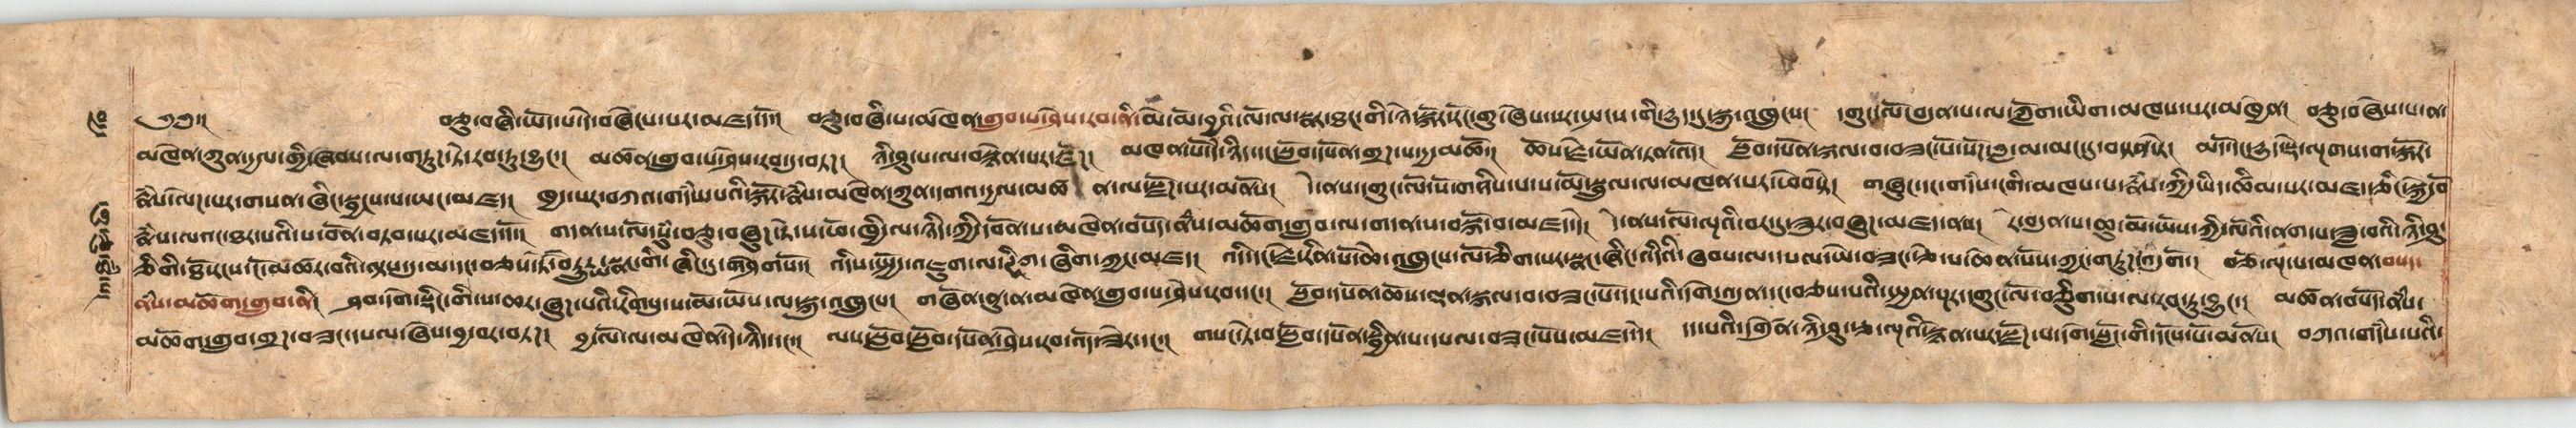༄༅་། བཅུ་བཞི་ཡོད་པ་དེ་བཞེངས་པར་མཛད་དོ་། བཅུ་བཞི་པ་མཁེན་གྲུབ་པ་ཤེས་རབ་ནི་མེ་མོ་བྱའི་ལོ་ལ་སྣར་ཐང་གི་ཉེ་སྐོར་རོང་གུ་ཞེས་པར་སྤངས་གི་དྱུད་དུ་སྐུ་འཁྲུངས། དགུང་ལོ་བདུན་པ་ལ་ཀློག་ཡིག་མཁས་པར་མཁྱེན། བཅུ་བཞེས་པ་ན་
མཁེན་ཀུན་དྱལ་གྱི་ཞབས་ལ་གཏུཌ་ཏེ་རབ་ཏུ་བྱུང་། མཚན་གྲུབ་པ་ཤེས་རབ་དུ་བཏཌ། ཉི་ཤུ་པ་ལ་བསྙེན་པར་སྫོཌ། མཁན་པོ་དེ་ཉིད་དང་སློབ་དཔོན་གྲཌ་པ་དྱ་མཚོ་། ཆོས་རྗེ་ཡོན་ཏན་འོད། སློབ་དཔོན་སྐལ་བ་བཟང་པོ་སོཌ་བླ་མ་མང་དུ་བསྟན་ཏེ། མདོ་དང་དྱུད་སྡེ་ལྔགས་ག་སྐོར་
རྣཾས་ལེཌ་པར་གསན་ཞིང་སྦྱངས་པ་ཡང་མཛད། ཁྱད་པར་བཀའ་གདཾས་པའི་སྐོར་རྣཾས་མཁེན་ཀུན་དགའ་དྱལ་མཚན་ལ་སྫོཌ་པར་མནོས། དེ་ནས་དགུང་ལོ་སོ་གཉིས་པ་ས་མོ་སྦྲུལ་ལ་མཁན་སར་ཕེབསྟེ། གཞུང་དང་གདཾས་ངགི་མཁས་པ་རྣཾས་ཀྱི་ཡིད་ཚིམ་པར་མཛད་ཅིང་སྐྱེ་བོ
རྣཾས་ལའང་ཐར་པའི་ས་བོན་བཏབ་པར་མཛད་དོ་། གདན་ས་ལོ་སུཾ་བཅུ་བཞུཌ་ཏེ་ས་ཕོ་ཁྱི་ལ་ཉིད་ཀྱི་དབོན་ས་མཁེན་བསོད་ནཾས་མཆོག་གྲུབ་ལ་གདན་ས་བསྐོ་བ་མཛད་དེ། དེ་ནས་ལོ་ལྔའི་བར་དུ་ཟུར་བཞུཌ་མཛད་ནས། རེ་བདུན་པ་ཆུ་མོ་ཡོས་ཀྱི་ལོའི་ནག་པ་ཟླ་བའི་ཉི་ཤུ་
ཅིགི་ཐོ་རངས་ངོ་མཚར་བའི་ལྟས་དུ་མ་དང་བཅས་ཏེ་བཻཌྲུརྱ་སྣང་གི་ཞིང་དུ་གཤེགསོ། འདིས་སྤྱོད་འཇུག་ལ་ཊཱིཀ་ཞིག་ཀྱང་མཛད། འདི་དང་རྗེ་རིན་པོ་ཆེ་འཁྲུངས་ལོ་ཅིག་པར་སྣང་ཞིང་འདིའི་ཞབས་ལ་དཔལ་ཡེ་བཟང་རྩེ་པ་ཆེན་པོས་ཀྱང་གཏུཌ་འདུགོ་། བཅོ་ལྔ་པ་མཁན་བསད་
ནཾས་མཆོག་གྲུབ་ནི། ཤབ་དགེ་སྡིང་གི་ས་ཆར་ཞུཌ་པའི་རིགསུ་ས་མོ་ཡོས་ལ་སྐུ་འཁྲུངས། གཞོན་ནུ་ན་མཁེན་གྲུབ་པ་ཤེས་རབ་དང་། སློབ་དཔོན་ཆོས་ལྡན་སྐལ་བ་བཟང་པོ་དང་པའི་དགེ་འདུན་དང་བཅས་པའི་སྤྱན་སྔར་དགུང་ལོ་བཅིུག་པ་ལ་རབ་ཏུ་བྱུང་། མཚན་བསོད་ནཾས་
མཆོག་གྲུབ་གྲཌ་བཟང་དཔལ་ཞེས་བྱ་བར་བཏཌ། བྱ་ལོ་ལ་མཁེན་དེ་ཉིད་དང་། ལས་སློབ་སློབ་དཔོན་ཤེས་རབ་འོད་ཟེར་དང་། གསང་ཏེ་བ་སློབ་དཔོན་སྦྱིན་པ་དཔལ་བཟང་པོས་མཛད་དེ། དད་པའི་དགེུན་ཉི་ཤུ་རྩ་ལྔའི་་སྙེན་པར་སྫོཌ་པ་དགེ་སློང་གི་དངོས་པོ་མནོས། བཀའ་གདཾས་པའི་